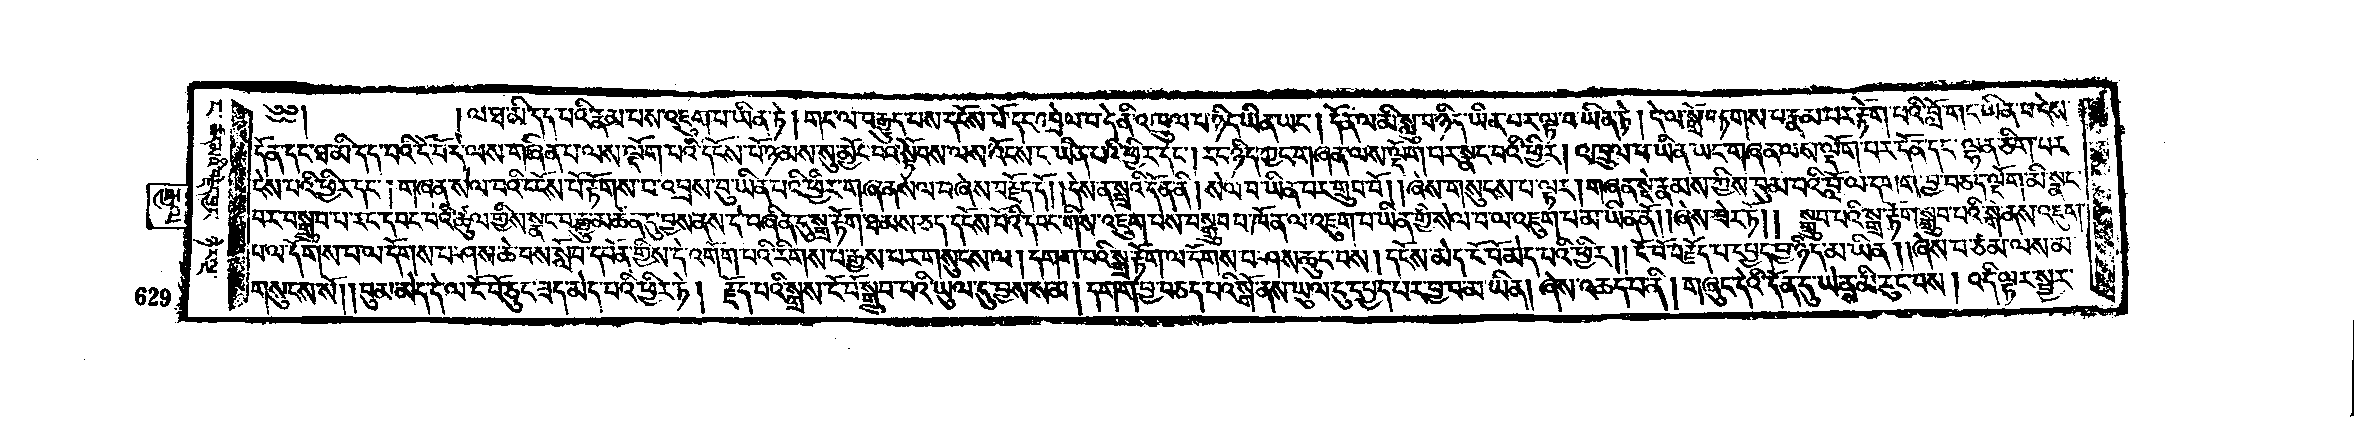༄༅། །ལ་ཐ་མི་དད་པའི་རྣམ་པས་འཇུག་པ་ཡིན་ཏེ། གང་ལ་བརྒྱུད་པས་དངོས་པོ་དང་འབྲེལ་བ་དེ་ནི་འཁྲུལ་པ་ཉིད་ཡིན་ཡང་། དོན་ལ་མི་སླུ་བ་ཉིད་ཡིན་པར་ལྟ་བ་ཡིན་ཏེ། དེ་ལ་སྒྲོ་བཏགས་པ་རྣམ་པར་རྟོག་པའི་བློ་གང་ཡིན་པ་དེས་
དོན་དང་ཐ་མི་དད་པའི་ངོ་བོ་དེ་ལས་གཞིན་པ་ལས་ལྡོག་པའི་དངོས་པོ་ཉམས་སུ་མྱོང་བའི་སྟོབས་ལས་འོངས་པ་ཡིན་པའི་ཕྱིར་དང་། རང་ཉིད་ཀྱང་གཞན་ལས་ལྡོག་པར་སྣང་བའི་ཕྱིར། འཁྲུལ་པ་ཡིན་ཡང་གཞན་ལས་ལྡོག་པར་དོན་དང་ལྷན་ཅིག་པར་
ངེས་པའི་ཕྱིར་དང་། གཞན་སེལ་བའི་དངོས་པོ་རྟོགས་པ་འབྲས་བུ་ཡིན་པའི་ཕྱིར་གཞན་སེལ་བཞེས་བརྗོད་དོ། །དེས་ན་སྒྲའི་དོན་ནི། སེལ་བ་ཡིན་པར་གྲུབ་བོ། །ཞེས་གསུངས་པ་ལྟར། གཞན་སྡེ་རྣམས་ཀྱིས་བུམ་པའི་བློ་ལ་དགག་བྱ་བཅད་ལྡོག་མི་སྣང་
བར་བསྒྲུབ་པ་རང་དབང་བའི་ཚུལ་གྱིས་སྣང་བ་རྒྱུ་མཚན་དུ་བྱས་ནས་དེ་བཞིན་དུ་སྒྲ་རྟོག་ཐམས་ཅད་དངོས་པོའི་དབང་གིས་འཇུག་པས་བསྒྲུབ་པ་ཁོ་ན་ལ་འཇུག་པ་ཡིན་གྱི་སེལ་བ་ལ་འཇུག་པ་མ་ཡིན་ནོ། །ཞེས་ཟེར་ཏོ། །སྒྲུབ་པའི་སྒྲ་རྟོག་སྒྲུབ་པའི་སྒོ་ནས་འཇུག་
པ་ལ་དོགས་པ་ལ་དོགས་པ་ཤེས་ཆེ་བས་སློབ་དཔོན་གྱིས་དེ་འགོག་པའི་རིགས་པ་རྒྱས་པར་གསུངས་ལ། དགག་པའི་སྒྲ་རྟོག་ལ་དོགས་བ་ཤས་ཆུང་བས། དངོས་མེད་ངོ་བོ་མེད་པའི་ཕྱིར། །ངོ་བོ་བརྗོད་པ་དཔྱད་བྱ་ཉིད་མ་ཡིན། །ཞེས་པ་ཙམ་ལས་མ་
གསུངས་སོ། །བུམ་མེད་དེ་ལ་ངོ་བོ་ཅུང་ཟད་མེད་པའི་ཕྱིར་ཏེ། རྗེས་པའི་སྒྲས་ངོ་བོ་སྒྲུབ་པའི་ཡུལ་དུ་བྱས་སམ། དགག་བྱ་བཅད་པའི་སྒོ་ནས་ཡུལ་དུ་དཔྱད་པར་བྱ་བ་མ་ཡིན། ཞེས་འཆད་པ་ནི། གཞུང་དེའི་དོན་དུ་ཡིན་ནས་མི་རང་བས། འདི་ལྟར་སྦྱར་